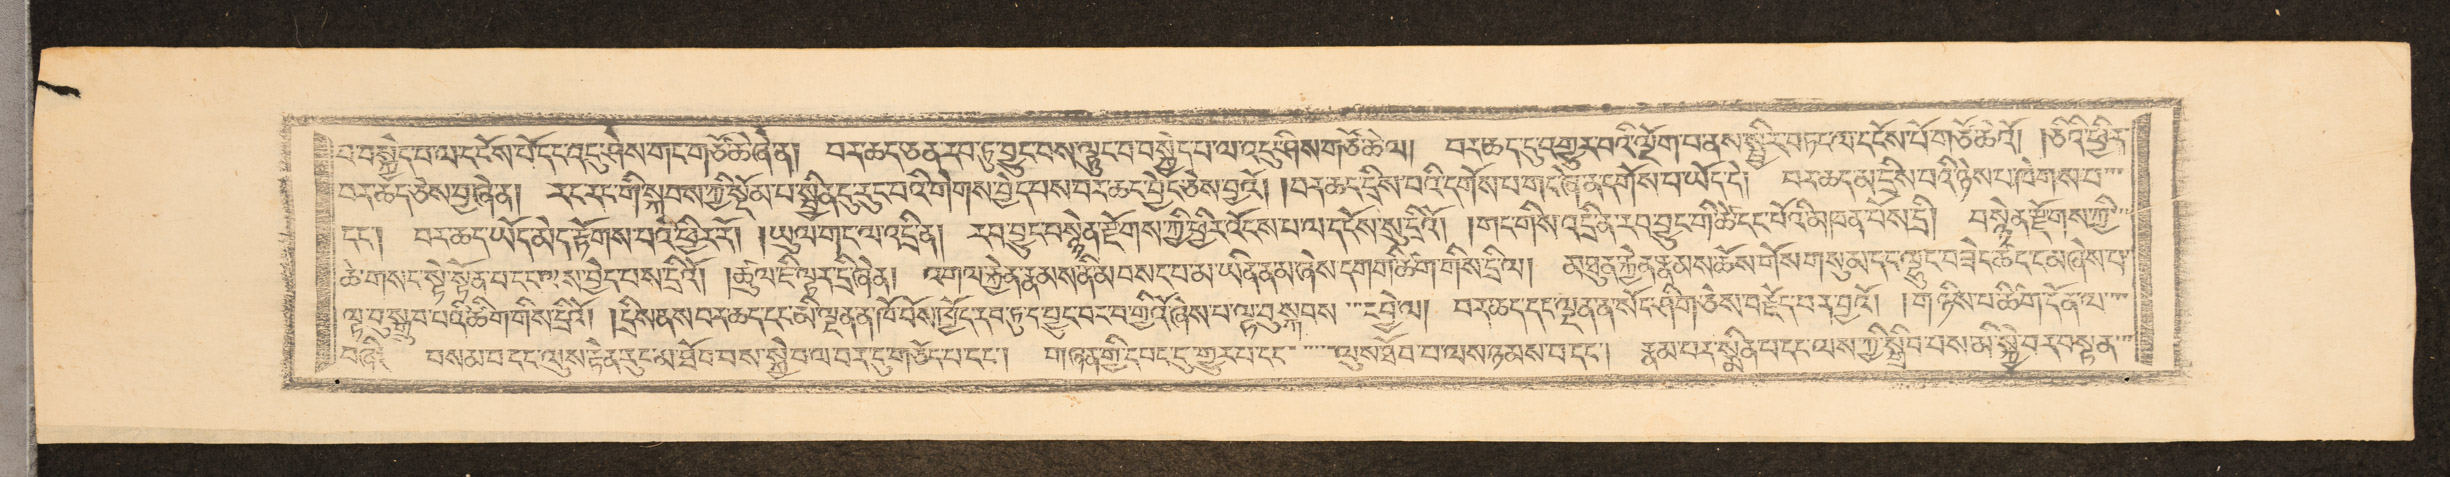བ་བསྐྱེད་པ་ལ་དངོས་པོ་དང་འདུ་ཤེས་གང་གཙོ་ཆེ་ཞེ་ན། བར་ཆད་ཅན་རབ་ཏུ་བྱུང་བས་ལྟུང་བ་བསྐྱེད་པ་ལ་འདུ་ཤེས་གཙོ་ཆེ་ལ། བར་ཆད་དུ་འགྱུར་བའི་ལྡོག་པ་ནས་སྤྱིར་བཏང་ལ་དངོས་པོ་གཙོ་ཆེའོ། །ཅིའི་ཕྱིར་
བང་ཆད་ཅེས་བྱ་ཞེ་ན། རང་རང་གི་སྐབས་ཀྱི་སྡོམ་པ་སྦྱིན་དུ་རུང་བའི་གེགས་བྱེད་པས་བར་ཆད་བྱེད་ཅེས་བྱའོ། །བར་ཆད་དྲིས་པའི་དགོས་པ་གང་ཞེ་ན་དགོས་པ་ཡོད་དེ། བར་ཆད་མ་དྲིས་པའི་ཉེས་པ་ཁེགས་པ་
དང་། བར་ཆད་ཡོད་མེད་རྟོགས་པའི་ཕྱིར་རོ། །ཡུལ་གང་ལ་འདྲི་ན། རབ་བྱུང་བསྙེན་རྫོགས་ཀྱི་ཕྱིར་འོངས་པ་ལ་དངོས་སུ་དྲིའོ། །གང་གིས་འདྲིན་རབ་བྱུང་གི་ཚེ་དང་པོའི་མཁན་པོས་དྲི། བསྙེན་རྫོགས་ཀྱི་
ཚེ་གསང་སྟེ་སྟོན་པ་དང་ལས་བྱེད་པས་དྲིའོ། །ཚུལ་ཇི་ལྟར་དྲི་ཞེ་ན། འགལ་རྐྱེན་རྣམས་ནི་མ་བསད་པ་མ་ཡིན་ནམ་ཞེས་དགག་ཚིག་གིས་དྲི་ལ། མཐུན་རྐྱེན་རྣམས་ཆོས་གོས་གསུམ་དང་ལྷུང་བཟེད་ཚད་ངམ་ཞེས་པ་
ལྟ་བུ་སྒྲུབ་པའི་ཚིག་གིས་དྲིའོ། །དྲིས་ནས་བར་ཆད་དང་མི་ལྡན་ན་ཁོ་བོས་ཁྱོད་རབ་ཏུ་བྱུང་བར་བགྱིའོ་ཞེས་པ་ལྟ་བུ་སྐབས་དབྱེ་ལ། བར་ཆད་དང་ལྡན་ན་སོང་ཤིག་ཅེས་བརྗོད་པར་བྱའོ། །གཉིས་པ་ཚིག་དོན་ལ་
བཞི༑ བསམ་པ་དང་ལུས་རྟེན་རུང་མ་ཐོབ་པས་སྐྱེ་བ་ལ་བར་དུ་གཅོད་པ་དང་། གཞན་གྱི་དབང་དུ་གྱུར་པ་དང་ལུས་ཐོབ་པ་ལས་ཉམས་པ་དང་། རྣམ་པར་སྨིན་པ་དང་ལས་ཀྱི་སྒྲིབ་པས་མི་སྐྱེ་བར་བསྟན་